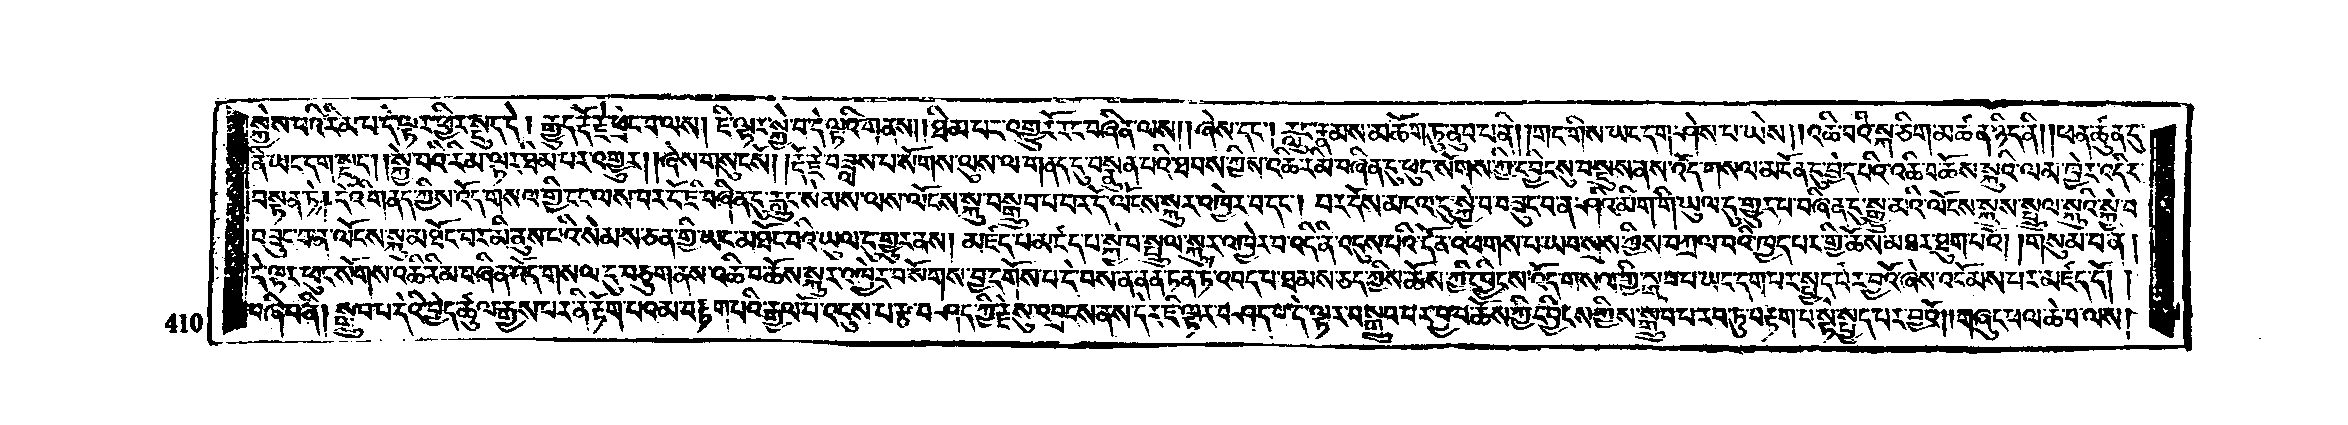སྐྱེས་པའི་རིམ་པ་དེ་ལྟར་ཕྱིར་སྡུད་དེ། རྒྱུད་རྡོ་རྗེ་ཕྲེང་བ་ལས། ཇི་ལྟར་སྐྱེ་བ་དེ་ལྟའི་གནས། །ཐིམ་པར་འགྱུར་རོ་རང་བཞིན་ལས། །ཞེས་དང་། རླུང་རྣམས་མཆོག་ཏུ་ནུབ་པ་ནི། །གང་གིས་ཡང་དག་ཤེས་པ་ཡིས། །འཆི་བའི་སྐ་ཅིག་མཚན་ཉིད་ནི། །ཕན་ཚུན་དུ་
ནི་ཡང་དག་སྡུད། །སྐྱེ་བའི་རིམ་ལྟར་ཐིམ་པར་འགྱུར། །ཞེས་གསུངས་སོ། །རྡོ་རྗེ་བཟླས་པ་སོགས་ལུས་ལ་གནད་དུ་བསྣུན་པའི་ཐབས་ཀྱིས་འཆི་རིམ་བཞིན་དུ་ཕུང་སོགས་ཀྱི་དབྱིངས་སུ་བསྡུས་ནས་འོད་གསལ་མངོན་དུ་བྱེད་པའི་འཆི་བ་ཆོས་སྐུའི་ལམ་ཁྱེར་འདིར་
བསྟན་ཏེ། དོའི་གནད་ཀྱིས་འོད་གསལ་གྱི་ངང་ལས་བར་དོ་ཇི་བཞིན་དུ་རླུང་སེམས་ལས་ལོངས་སྐུ་བསྒྲུབ་པ་བར་དོ་ལོངས་སྐུར་འཁྱེར་བ་དང་། བར་དོས་མངལ་དུ་སྐྱེ་བ་བཟུང་བ་ན་ཤའི་མིག་གི་ཡུལ་དུ་གྱུར་པ་བཞིན་དུ་སྒྱུ་མའི་ལོངས་སྐུས་སྤྲུལ་སྐུའི་སྐྱེ་བ་
བཟུང་བ་ན་ལོངས་སྐུ་མཐོང་བར་མི་ནུས་པའི་སེམས་ཅན་གྱི་ཡང་མཐོང་བའི་ཡུལ་དུ་གྱུར་ནས། མཛད་པ་མཛད་པ་སྐྱེ་བ་སྤྲུལ་སྐུར་འཁྱེར་བ་འདི་ནི་འདུས་པའི་དོན་འཕགས་པ་ཡབ་སྲས་ཀྱིས་བཀྲལ་བའི་ཁྱད་པར་གྱི་ཆོས་མཐར་ཐུག་པའོ། །གསུམ་པ་ནི།
དེ་ལྟར་ཕུང་སོགས་འཆི་རིམ་བཞིན་འོད་གསལ་དུ་བཅུག་ནས་འཆི་བ་ཆོས་སྐུར་འཁྱེར་བ་སོགས་བྱ་དགོས་པ་དེ་བས་ན་ནན་ཏན་ཏེ་འབད་པ་ཐམས་ཅད་ཀྱིས་ཆོས་ཀྱི་དབྱིངས་འོད་གསལ་གྱི་སྒྲུབ་པ་ཡང་དག་པར་སྤྱད་པར་བྱའོ་ཞེས་འདོམས་པར་མཛད་དོ། །
བཞི་པ་ནི། སྒྲུབ་པ་དེའི་བྱེད་ཚུལ་རྒྱས་པར་ནི་རྟོག་པའམ་བརྟག་པའི་རྒྱལ་པོ་འདུས་པ་རྩ་བཤད་ཀྱི་རྗེས་སུ་འབྲངས་ནས་དེར་ཇི་ལྟར་བཤད་པ་དེ་ལྟར་བསྒྲུབ་པར་བྱ་བ་ཆོས་ཀྱི་དབྱིངས་ཀྱིས་སྒྲུབ་པ་རབ་ཏུ་བརྟག་པ་སྟེ་སྤྱད་པར་བྱའོ། །གཞུང་ཕལ་ཆེ་བ་ལས།